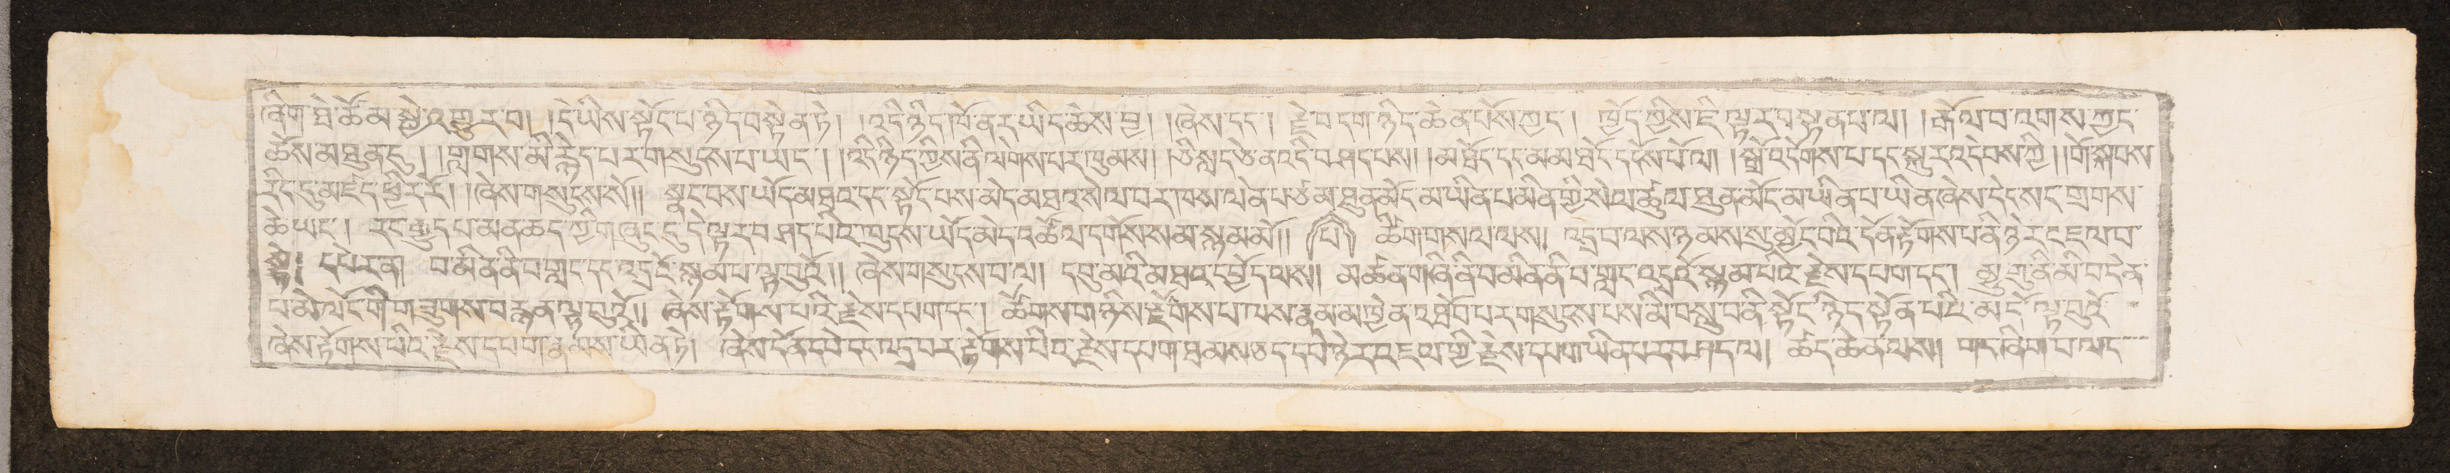ཞིག་ཐེ་ཚོམ་སྐྱེ་འགྱུར་བ། །དེ་ཡིས་སྟོང་པ་ཉིད་བསྟེན་ཏེ། །འདི་ཉིད་ཁོ་ནར་ཡིད་ཆེས་བྱ། །ཞེས་དང་། རྗེ་བདག་ཉིད་ཆེན་པོས་ཀྱང་། ཁྱོད་ཀྱིས་ཇི་ལྟར་བསྟན་པ་ལ། །རྒོལ་བ་འགས་ཀྱང་
ཆོས་མཐུན་དུ། །གླགས་མི་རྙེད་པར་གསུངས་པ་ཡང་། །འདི་ཉིད་ཀྱི། །གོ་སྐབས་དང་མ་མཐོང་དངོས་པོ་ལ། །སྒྲོ་འདོགས་པ་དང་སྐུར་འདེབས་ཀྱི། །གོ་སྐབས་
རིང་དུ་མཛད་ཕྱིར་རོ། །ཞེས་གསུངས་སོ།། སྣང་བས་ཡོད་མཐའ་དང་སྟོང་པས་མེད་མཐའ་སེལ་བར་ཁས་ལེན་པ་ཙམ་ཐུན་མོང་མ་ཡིན་པ་མིན་གྱི་སེལ་ཚུལ་ཐུན་མོང་མ་ཡིན་པ་ཡིན་ཞེས་དེང་སང་གྲགས་
ཆེ་ཡང་། རང་རྒྱུད་པ་མན་ཆད་ཀྱི་གཞུང་དུ་དེ་ལྟར་བཤད་པའི་ཁུངས་ཡོད་མེད་འཚོལ་དགོས་སམ་སྙམ་མོ།། ༼༽པ༼༽ ཚིག་གསལ་ལས། འདྲ་བ་ལས་ཉམས་སུ་མྱོང་བའི་དོན་རྟོགས་པ་ནི་ཉེར་འཇལ་བ་
སྟེ༑ དཔེར་ན། བ་མིན་ནི་བ་གླང་དང་འདྲའོ་སྙམ་པ་ལྟ་བུའོ།། ཞེས་གསུངས་པ་ལ། དབུ་མའི་མཐའ་དཔྱོད་ལས། མཚན་གཞི་ནི་བ་མིན་ནི་བ་གླང་འདྲའོ་སྙམ་པའི་རྗེས་དཔག་དང་། མྱུ་གུ་ནི་མི་བདེན་
པ་མེ་ལོང་གི་གཟུགས་བརྙན་ལྟ་བུའོ། །ཞེས་རྟོགས་པའི་རྗེས་དཔག་དང་། ཚོགས་གཉིས་རྫོགས་པ་ལས་རྣམ་མཁྱེན་འཐོབ་པར་གསུངས་པས་མི་བསླུ་བ་ནི་སྟོང་ཉིད་སྟོན་པའི་མདོ་ལྟ་བུའོ་
ཞེས་རྟོགས་པའི་རྗེས་དཔག་རྣམས་ཡིན་ཏེ། ཞེས་དོན་དཔེ་དང་འདྲ་བར་རྟོགས་པའི་རྗེས་དཔག་ཐམས་ཅད་དཔེ་ཉེར་འཇལ་གྱི་རྗེས་དཔག་ཡིན་པར་བཤད་ལ། ཚད་ཚན་ལས། གང་ཞིག་བ་ལང་